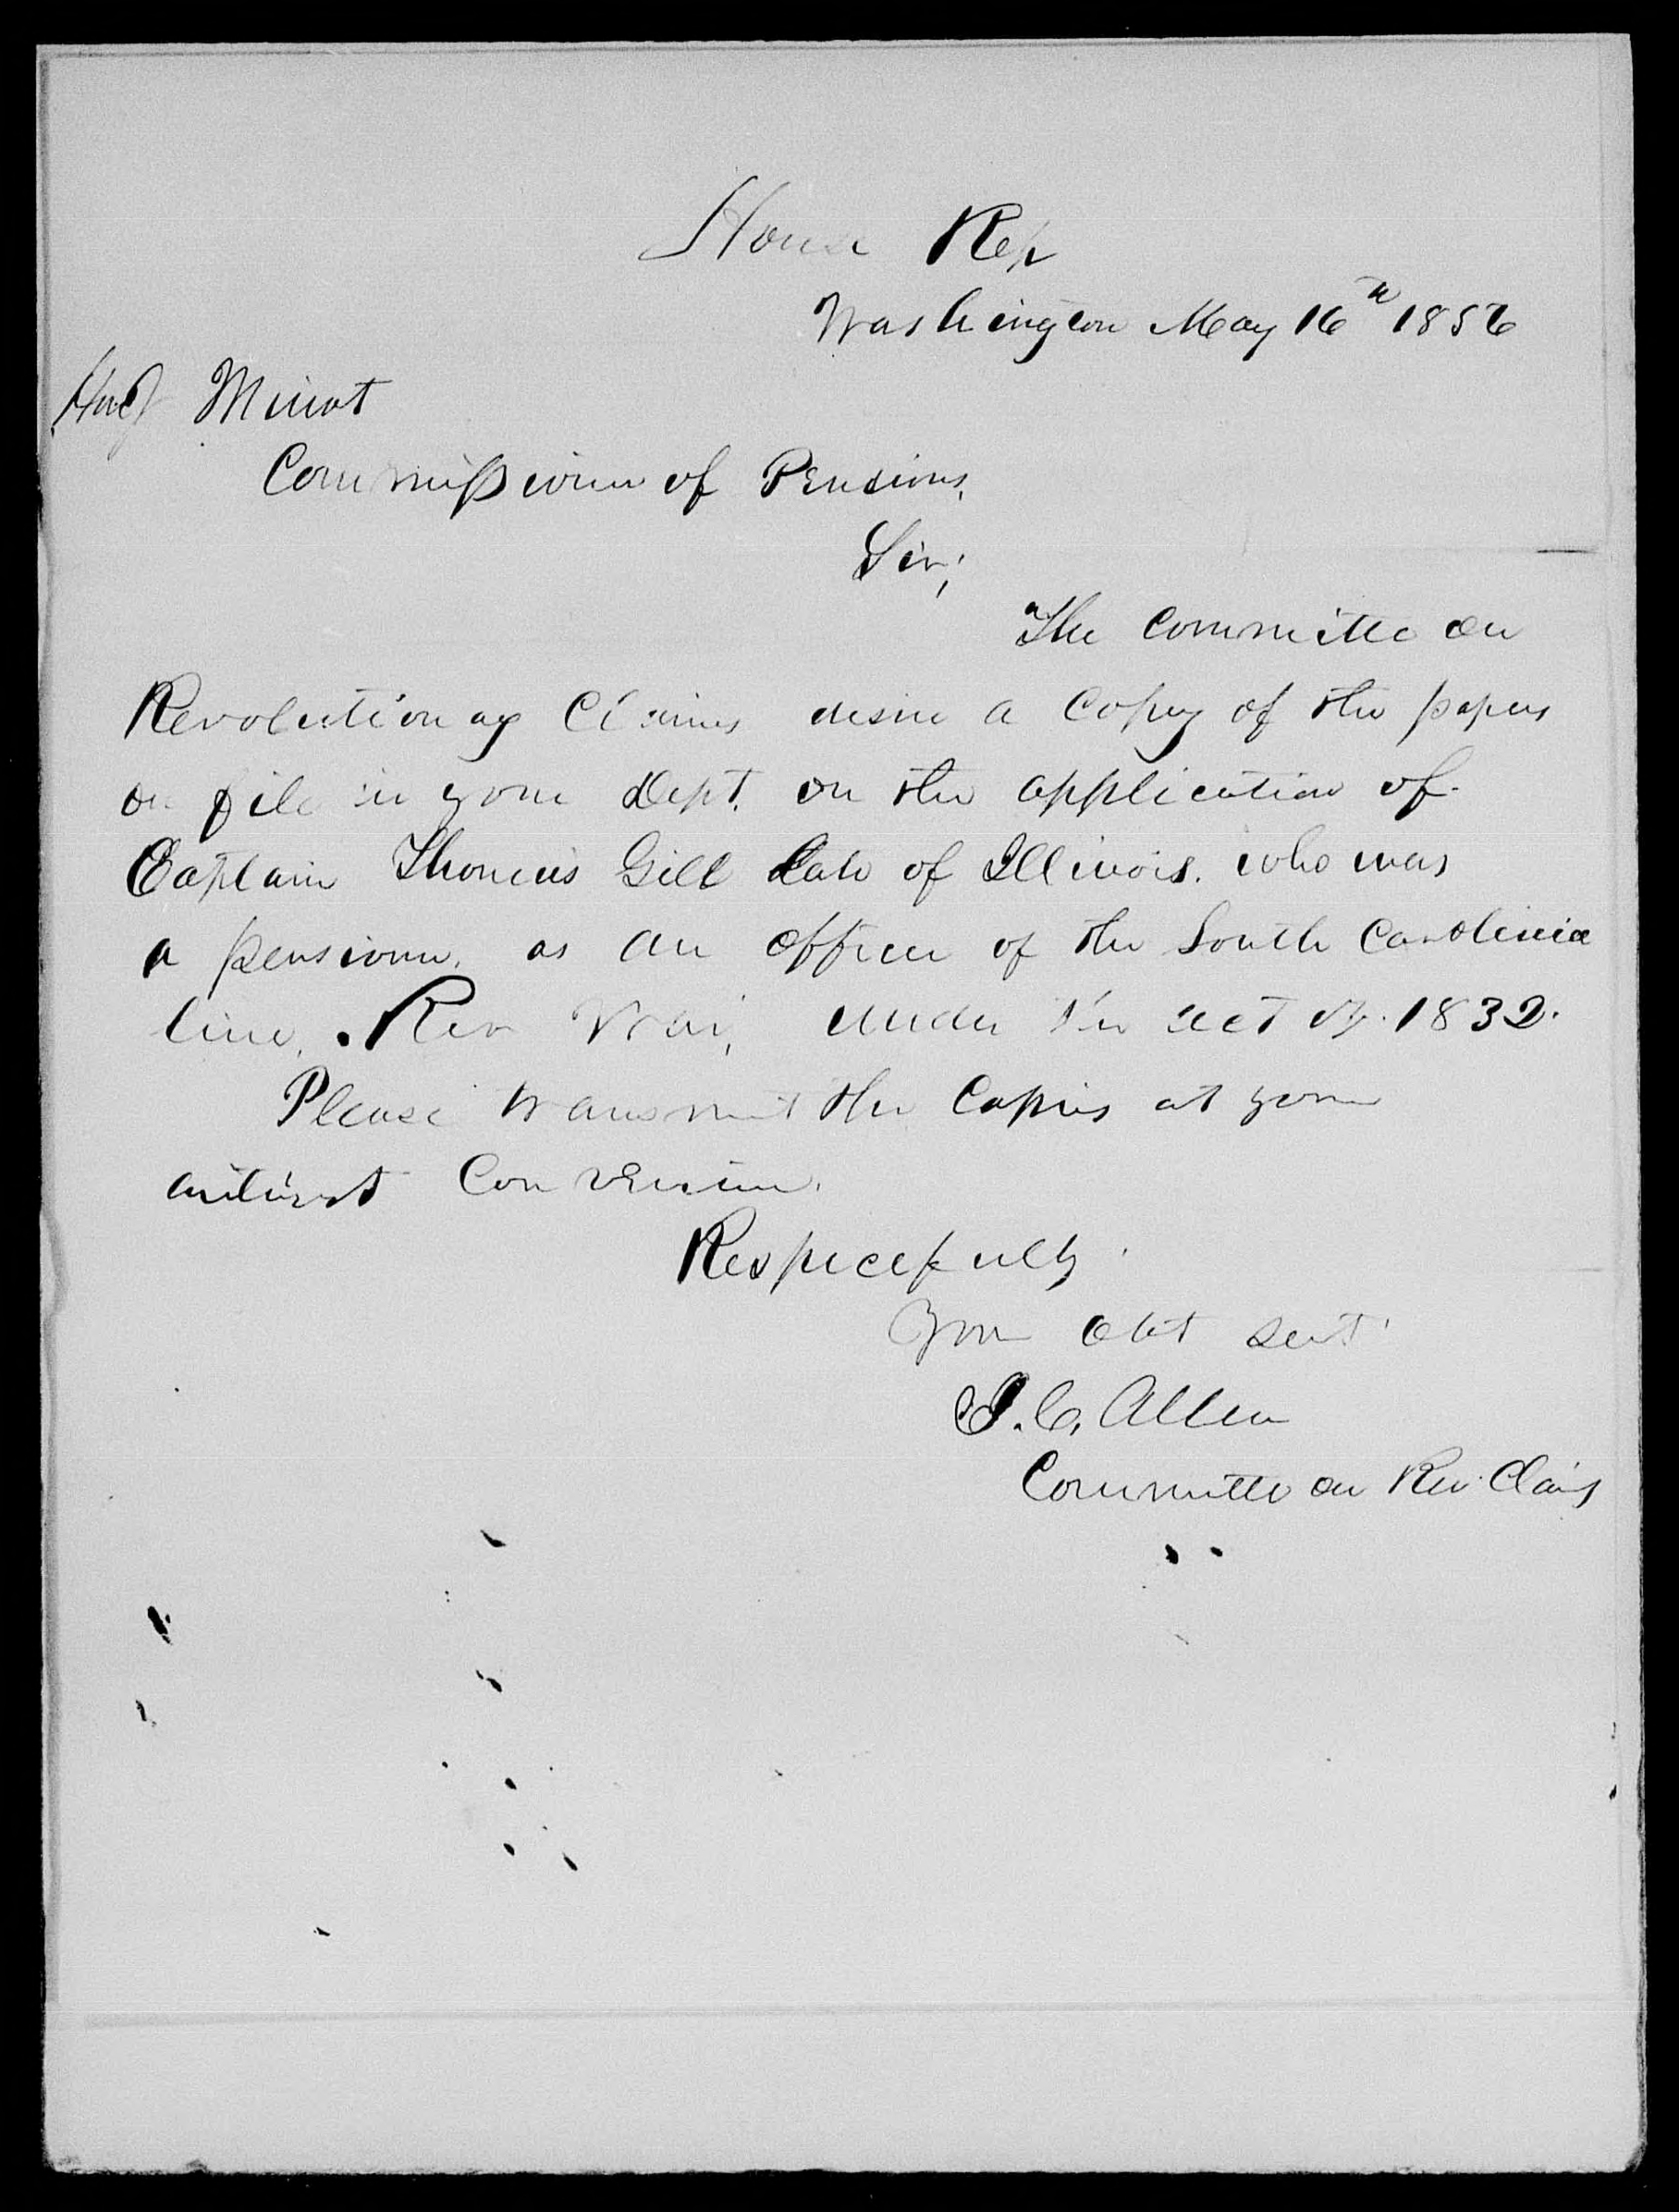House Rep
Washington May 16th 1856

Hon J Minot
Commissioner of Pensions
Sir, 
   The Committee on Revolutionary Claims desire a copy of the papers on file in your Dept. on the application of Captain Thomas Gill late of Illinois, who was a pensioner as an officer of the South Carolina line, Rev War, under the act of 1832.
   Please transmit the copies at your earliest convenience.

Respectfully
Your obt sevt
JC Allen
Committee on Rev Claims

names: Thomas Gill, J Minot, J C Allen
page: 29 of 44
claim: survivor's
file: S. 31,061, Thomas Gill, S.C.